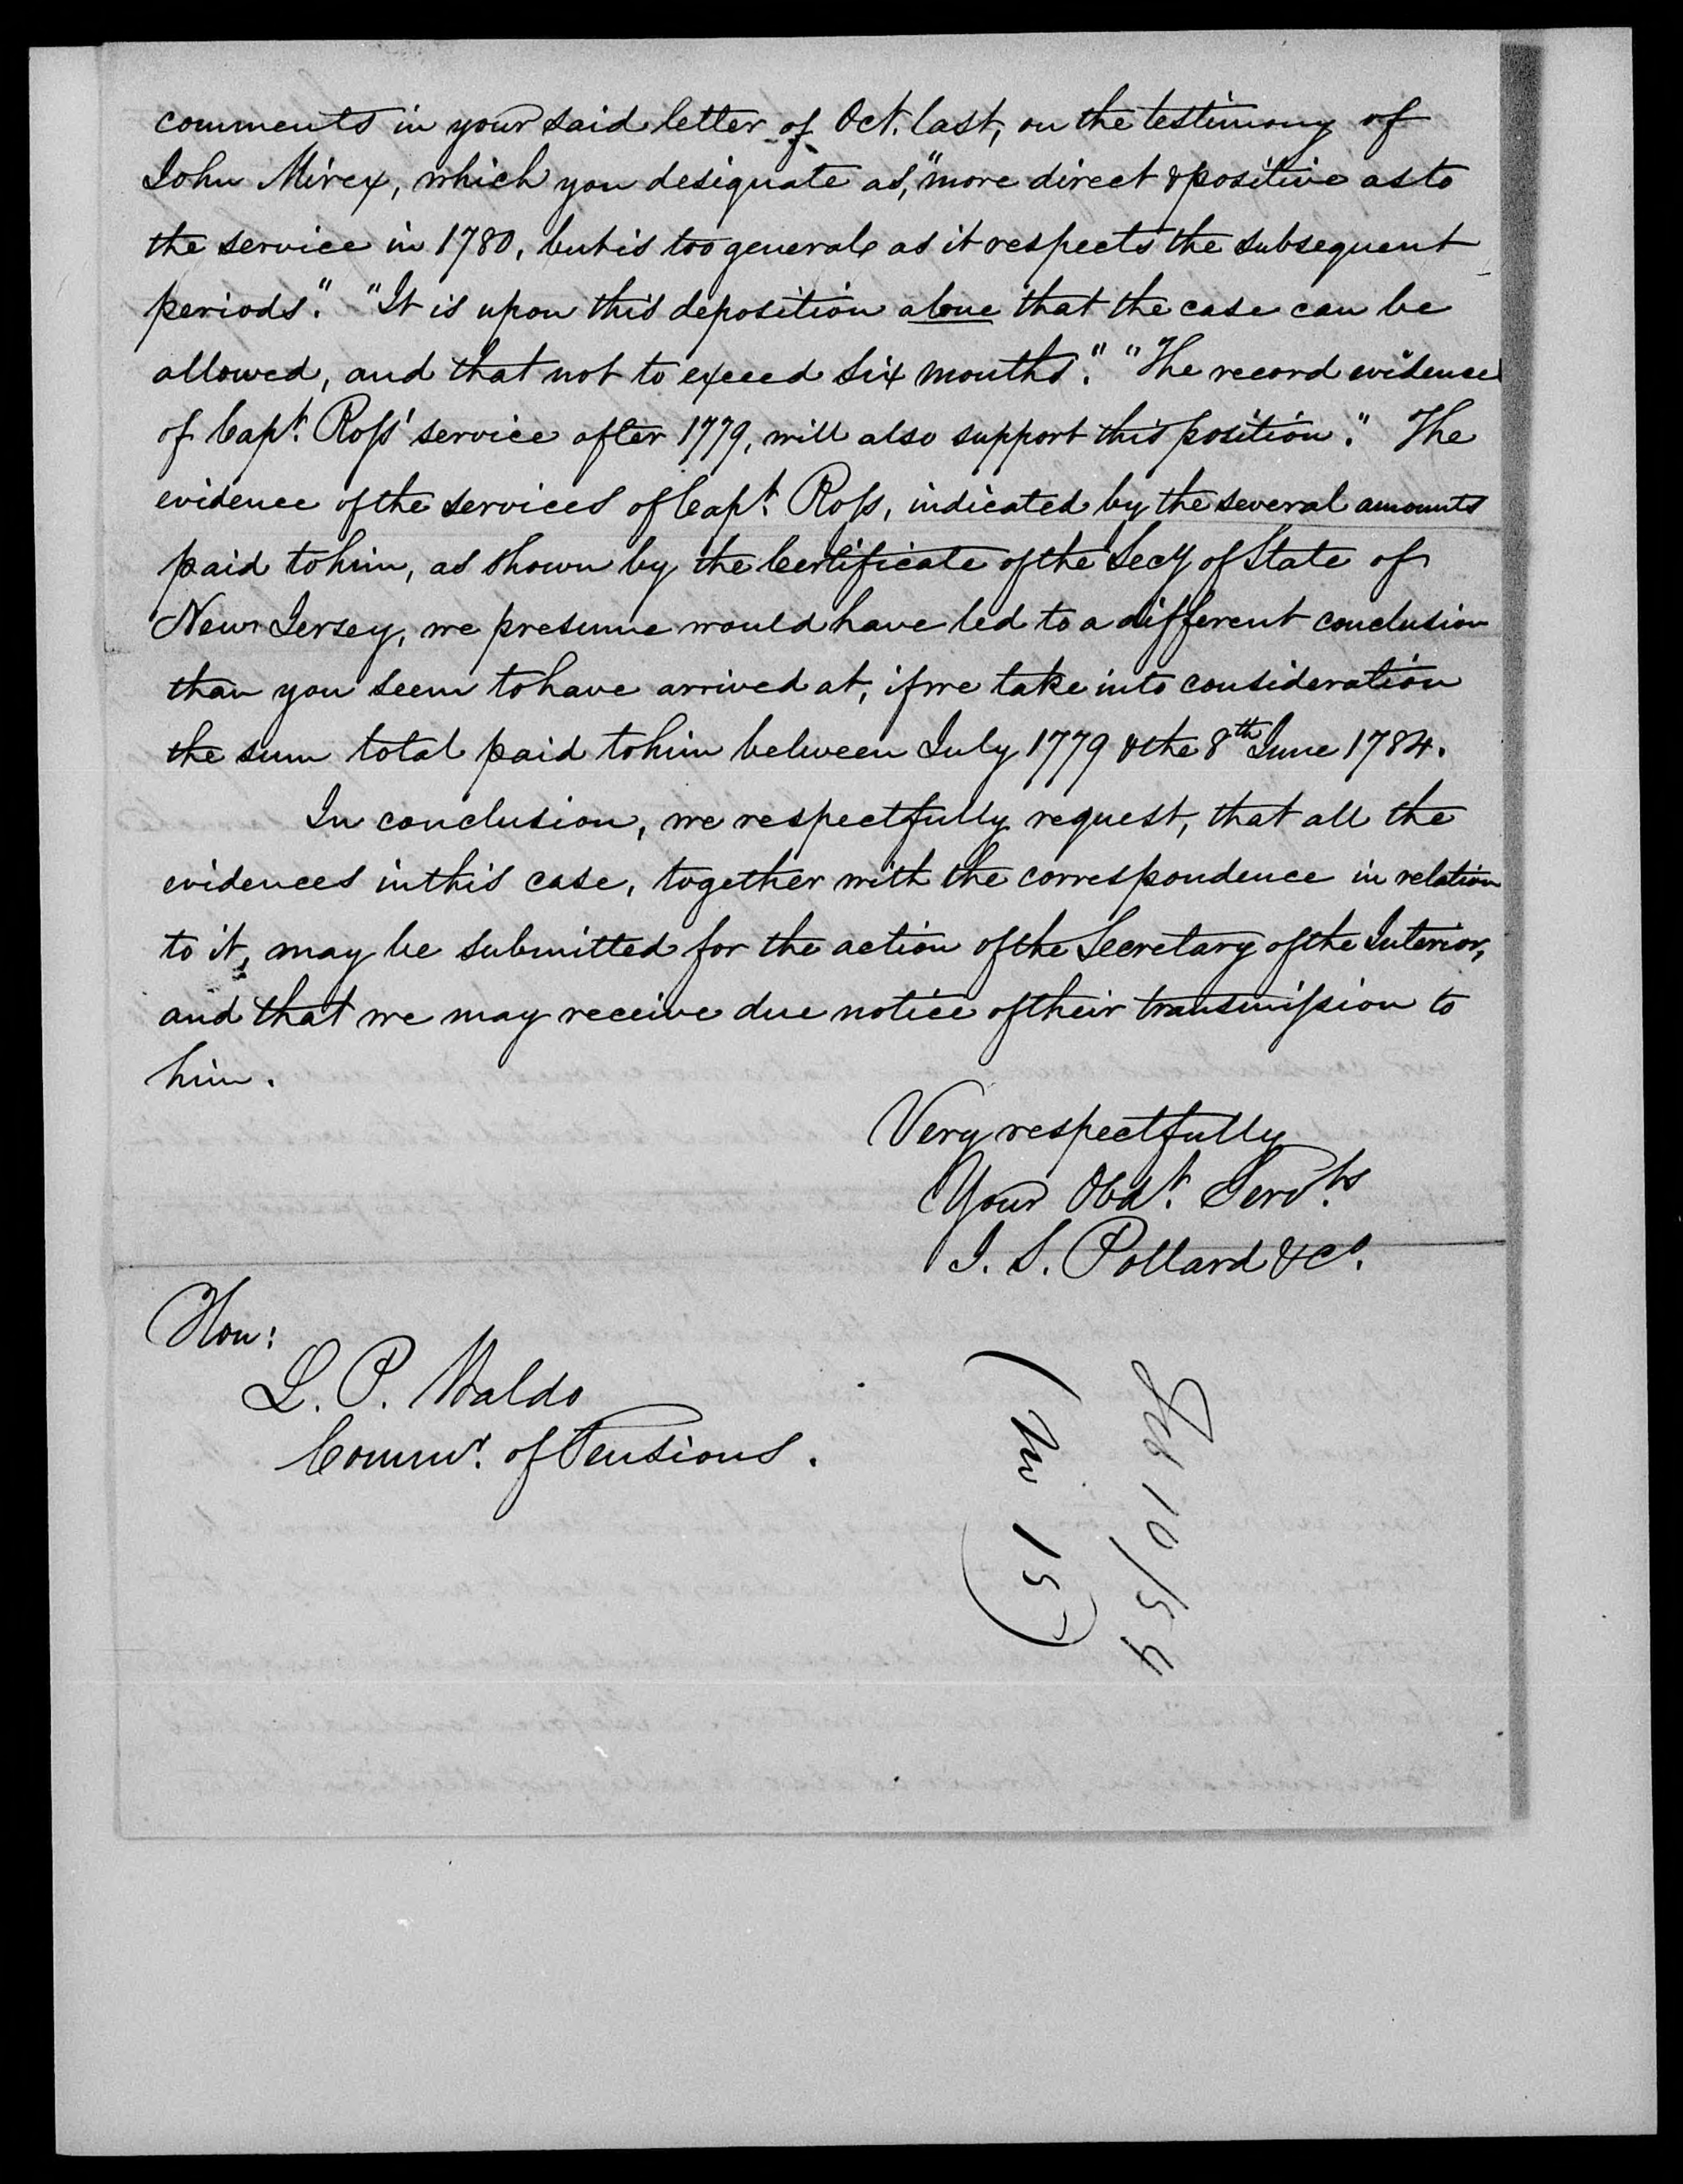...comments in your said letter of Oct. last, on the testimony of John Mirex, which you designate as, "more direct & positive as to the service in 1780, but is too general as it respects the subsequent periods." It is upon this deposition above that the case can be allowed and that not to exceed six months." "The record evidence of Capt. Ross' service after 1779 will also support this position." The evidence of the services of Capt Ross, indicated by the several amounts paid to him, as shown by the Certificate of the Sec. of State of New Jersey, we presume would have led to a different conclusion than you seem to have arrived at, if we take into consideration the sum total paid to him between July 1779 & the 8th June 1784.

In conclusion, we respectfully request that all the evidences in this case, together with the correspondence in relation to it, may be submitted for the action of the Secretary of the Interior and that we may receive due notice of their transmission to him.

Very respectfully your obe(dient) ser(vant)
s/ J.S. Pollard & Co.

Hon. L.P. Waldo, Com(missioner) of Pensions

Feb. 10/'54
(No. 15)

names: [BLANK] Ross; J S Pollard; L P Waldo; John Mirex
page: 41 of 95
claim: survivor's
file: S 2889, for Levi Mundy, New Jersey